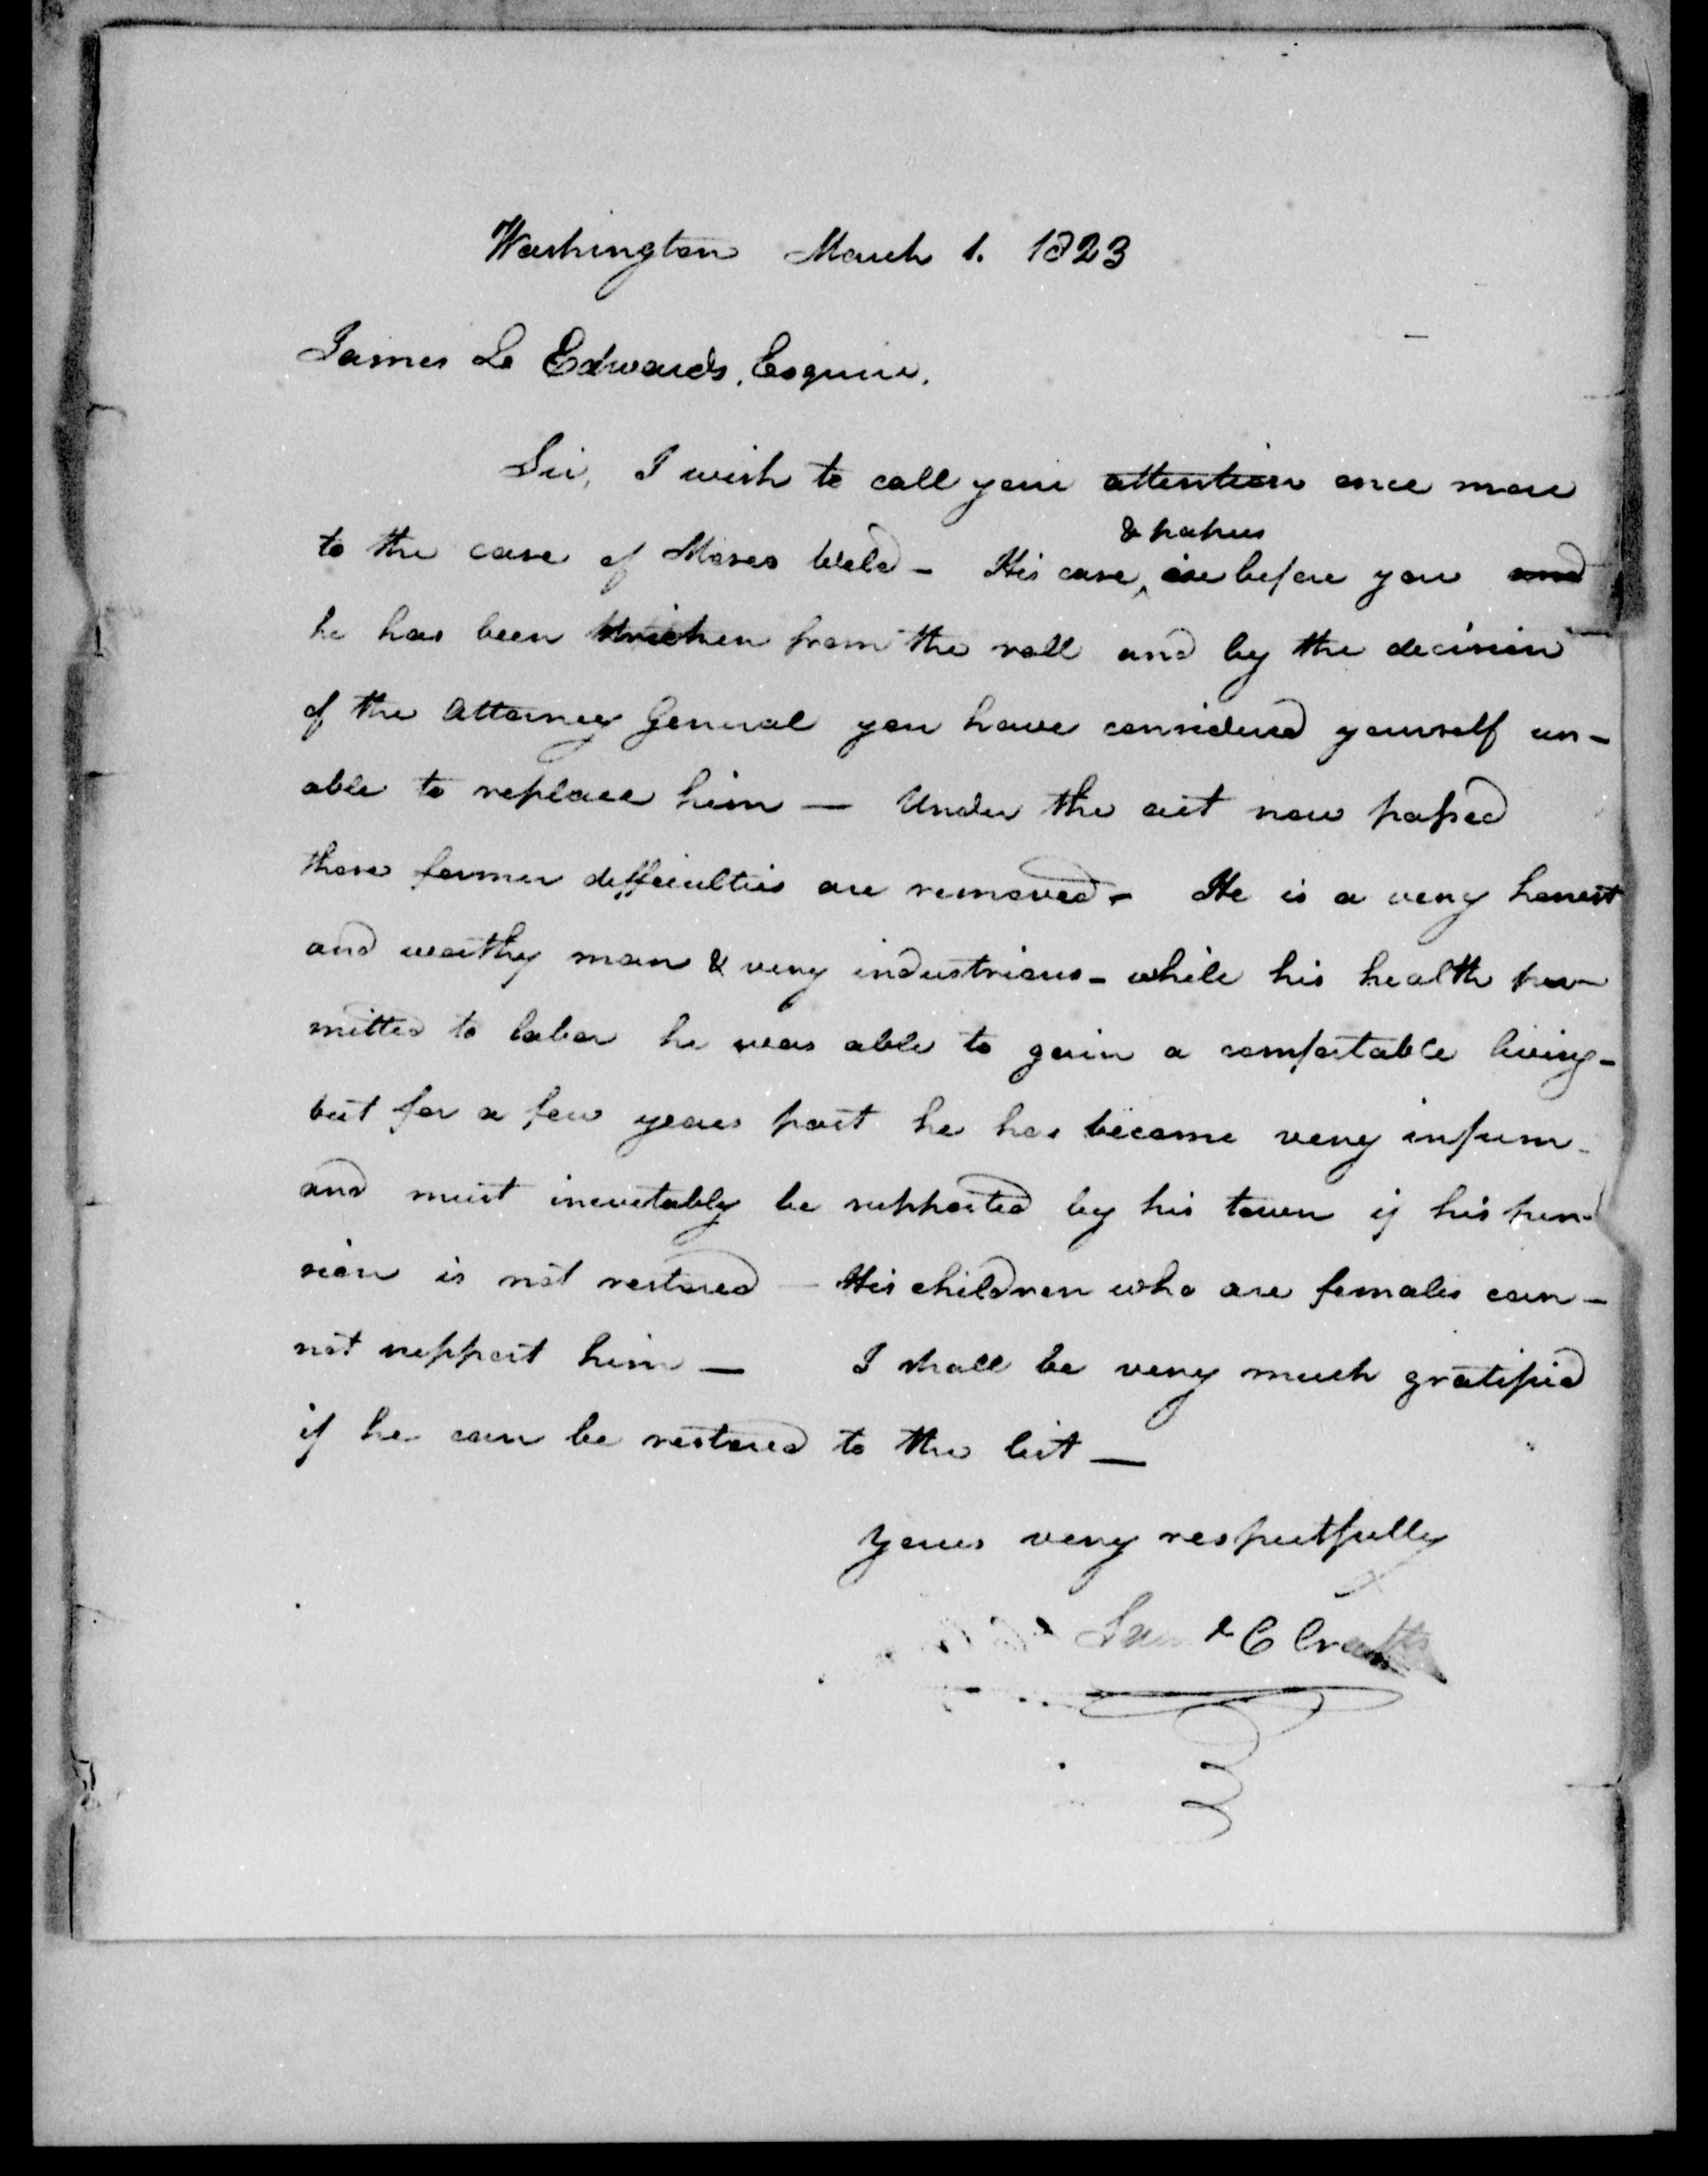Washington March 1, 1823
James L Edwards, Esquire
Sir, I wish to call your attention once more to the case of Moses Weld - His case ^& papers are before you and he has been stricken from the roll and by the decision of the Attorney General you have considered yourself unable to replace him-- Under the act now passed
there former difficulties are removed. He is a very honest and worthy man & very industrious-- while his health permitted to labor he was able to gain a comfortable living - but for a few years past he has become very infirm - and must inevitably be supported by his town if his pension is not restored. - His children who are females cannot support him-
I shall be very much gratified
if he can be restored to the list.
Yours very respectfully
Samuel C Crafts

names: James L Edwards, Saml C Crafts, Moses Weld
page: 35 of 87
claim: widow's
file: W. 25,966, Moses Weld, Mass.